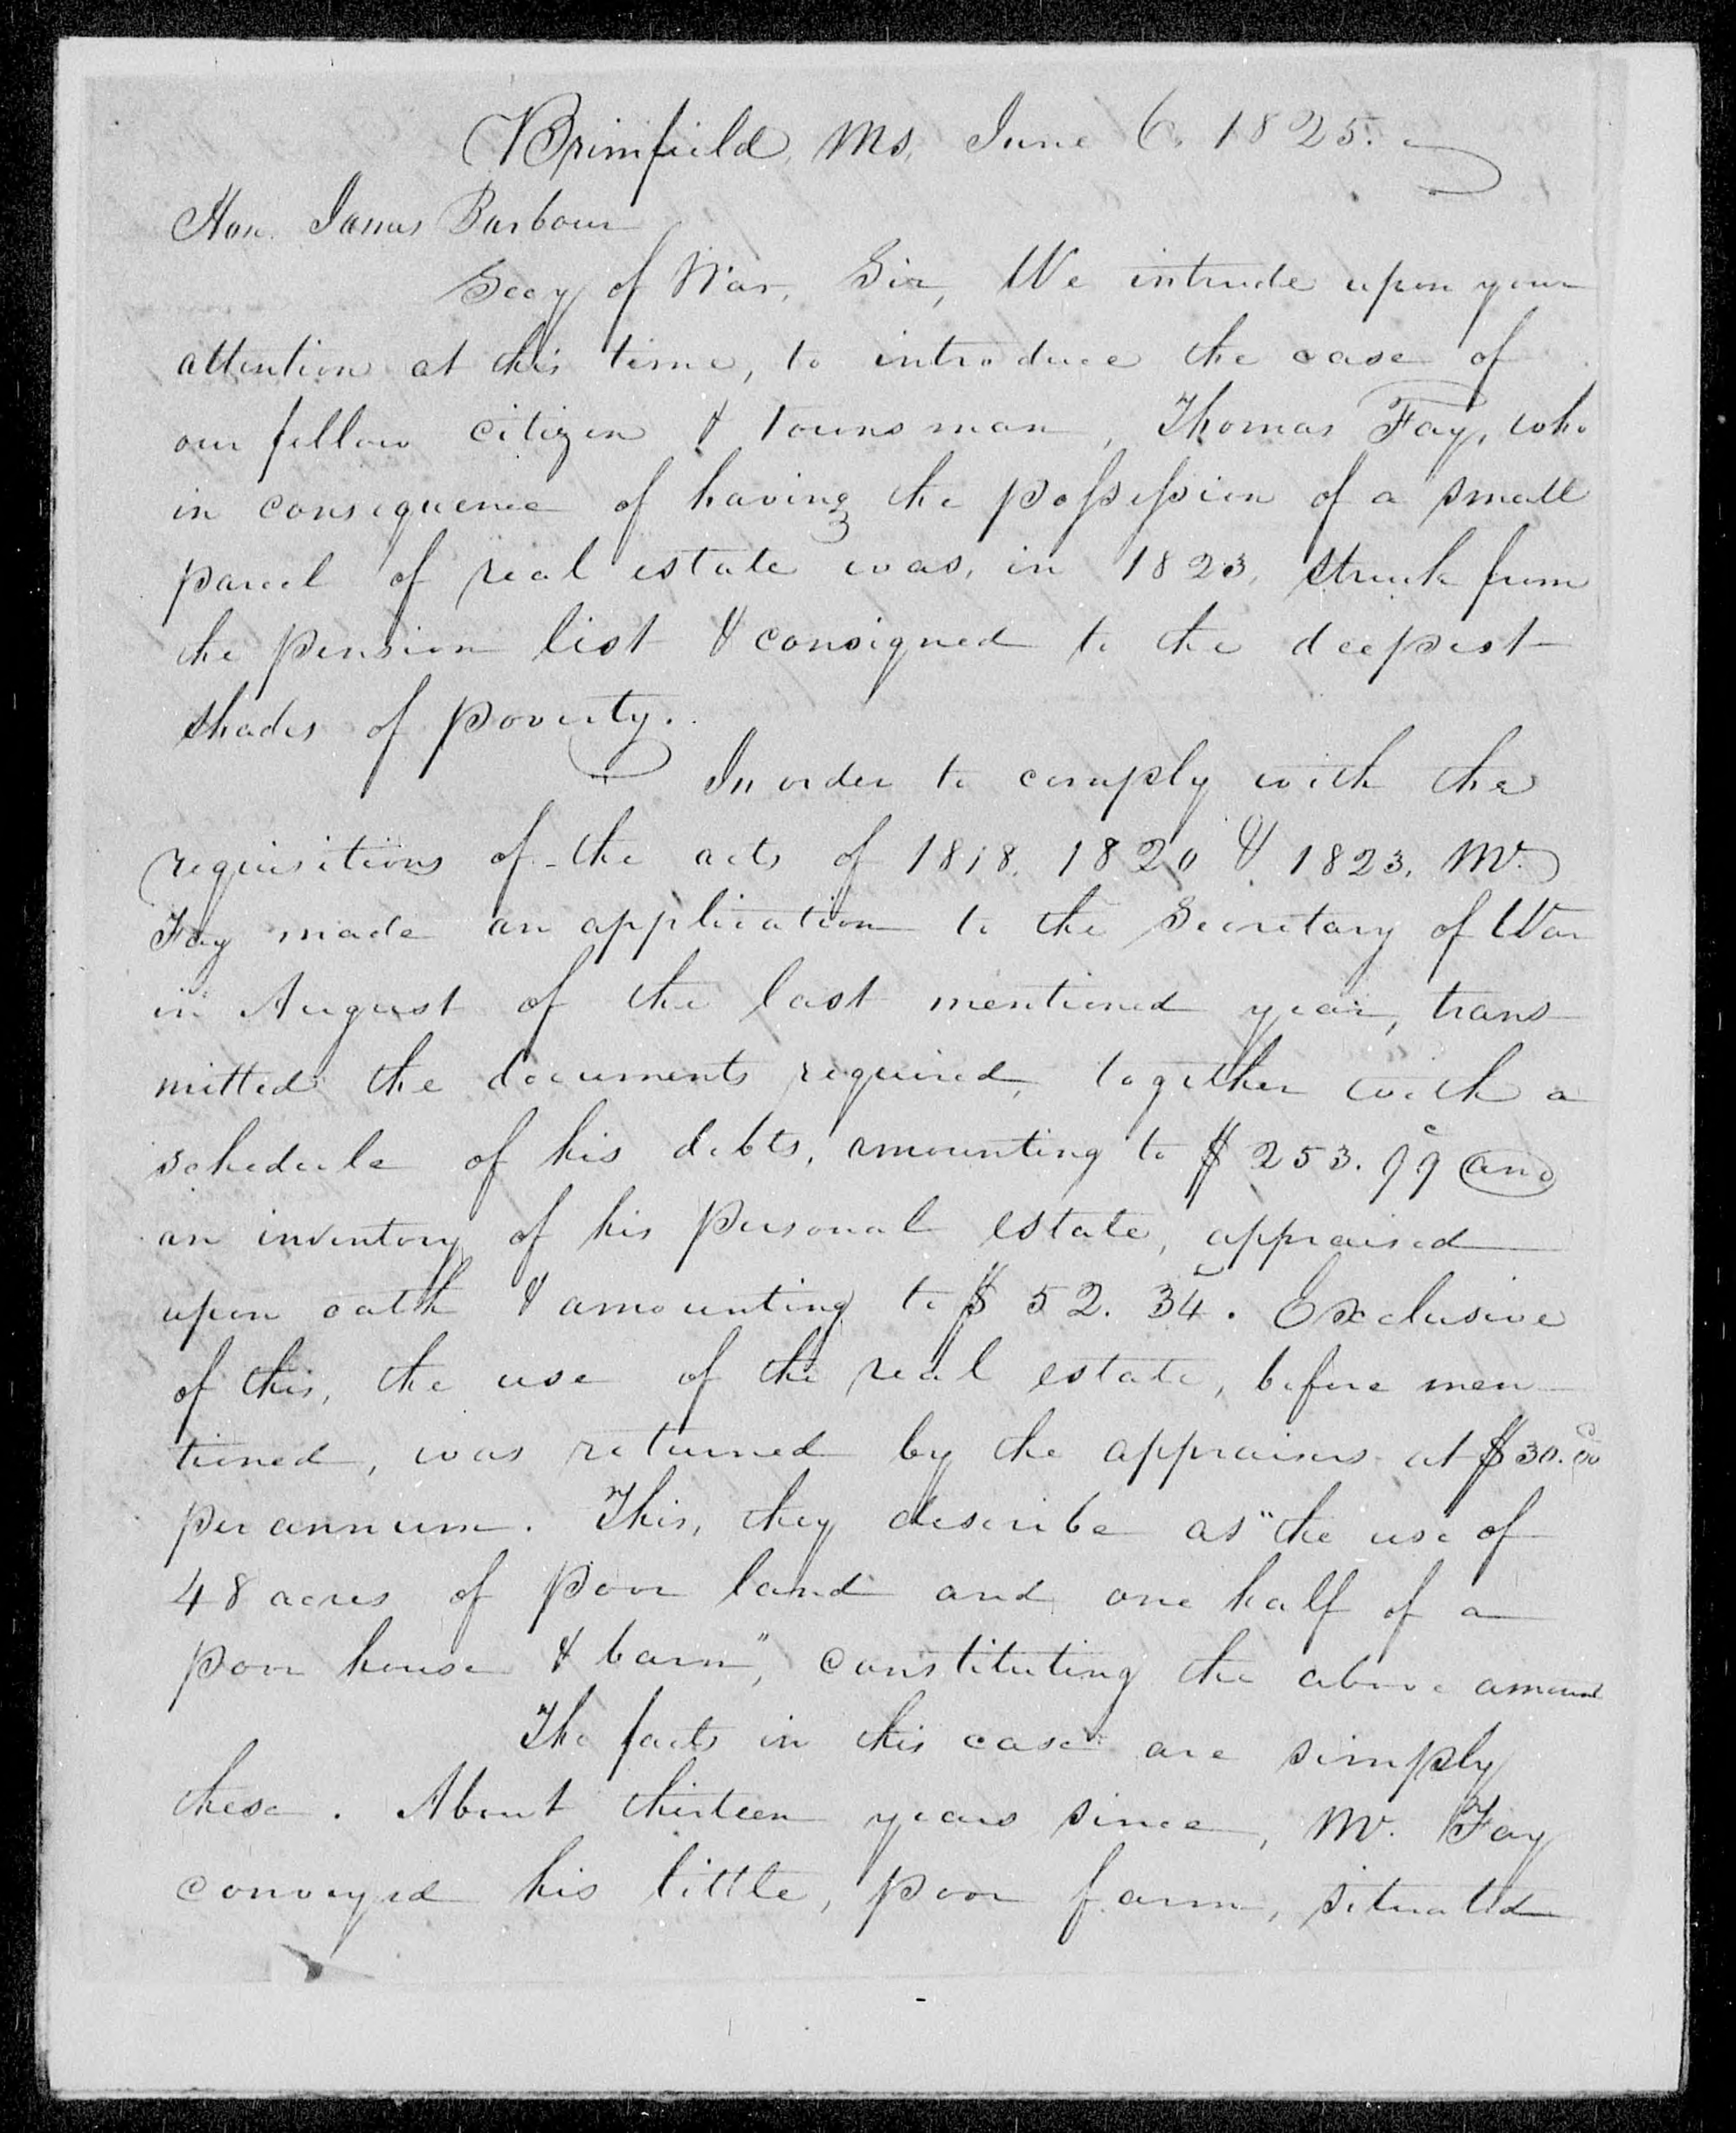Brimfield, Mo. June 6. 1825.

Hon. James Barbour
Secy of War

Sir.
We intrude upon your attention at this time, to introduce the case of our fellow citizen & townsman, Thomas Fay, who in consequence of having the possession of a small
parcel of real estate was in 1823, struck from
the pension list & consigned to the deepest
shades of poverty.

In order to comply with the requisitions of the act of 1818. 1820 & 1823, Mr Fay made an application to the Secretary of War in 
August of the last mentioned year transmitted the documents required, together with a
Schedule of his debts, amounting to $253.99 and an inventory of his personal estate, appraised upon oath & amounting to $52.34. Exclusive of this, the use of the real estate, before mentioned, was returned by the appraisers at $30.00 per annum. This, they described as the "use of 48 acres of poor land and one half of a poor house

The facts in this case are simply these. About thirteen years since, Mr. Hay conveyed his little, poor farm, situated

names: Fay, James Barbour, Thomas Fay, Fay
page: 27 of 31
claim: survivor's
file: S. 34,839, Thomas Fay, Mass.